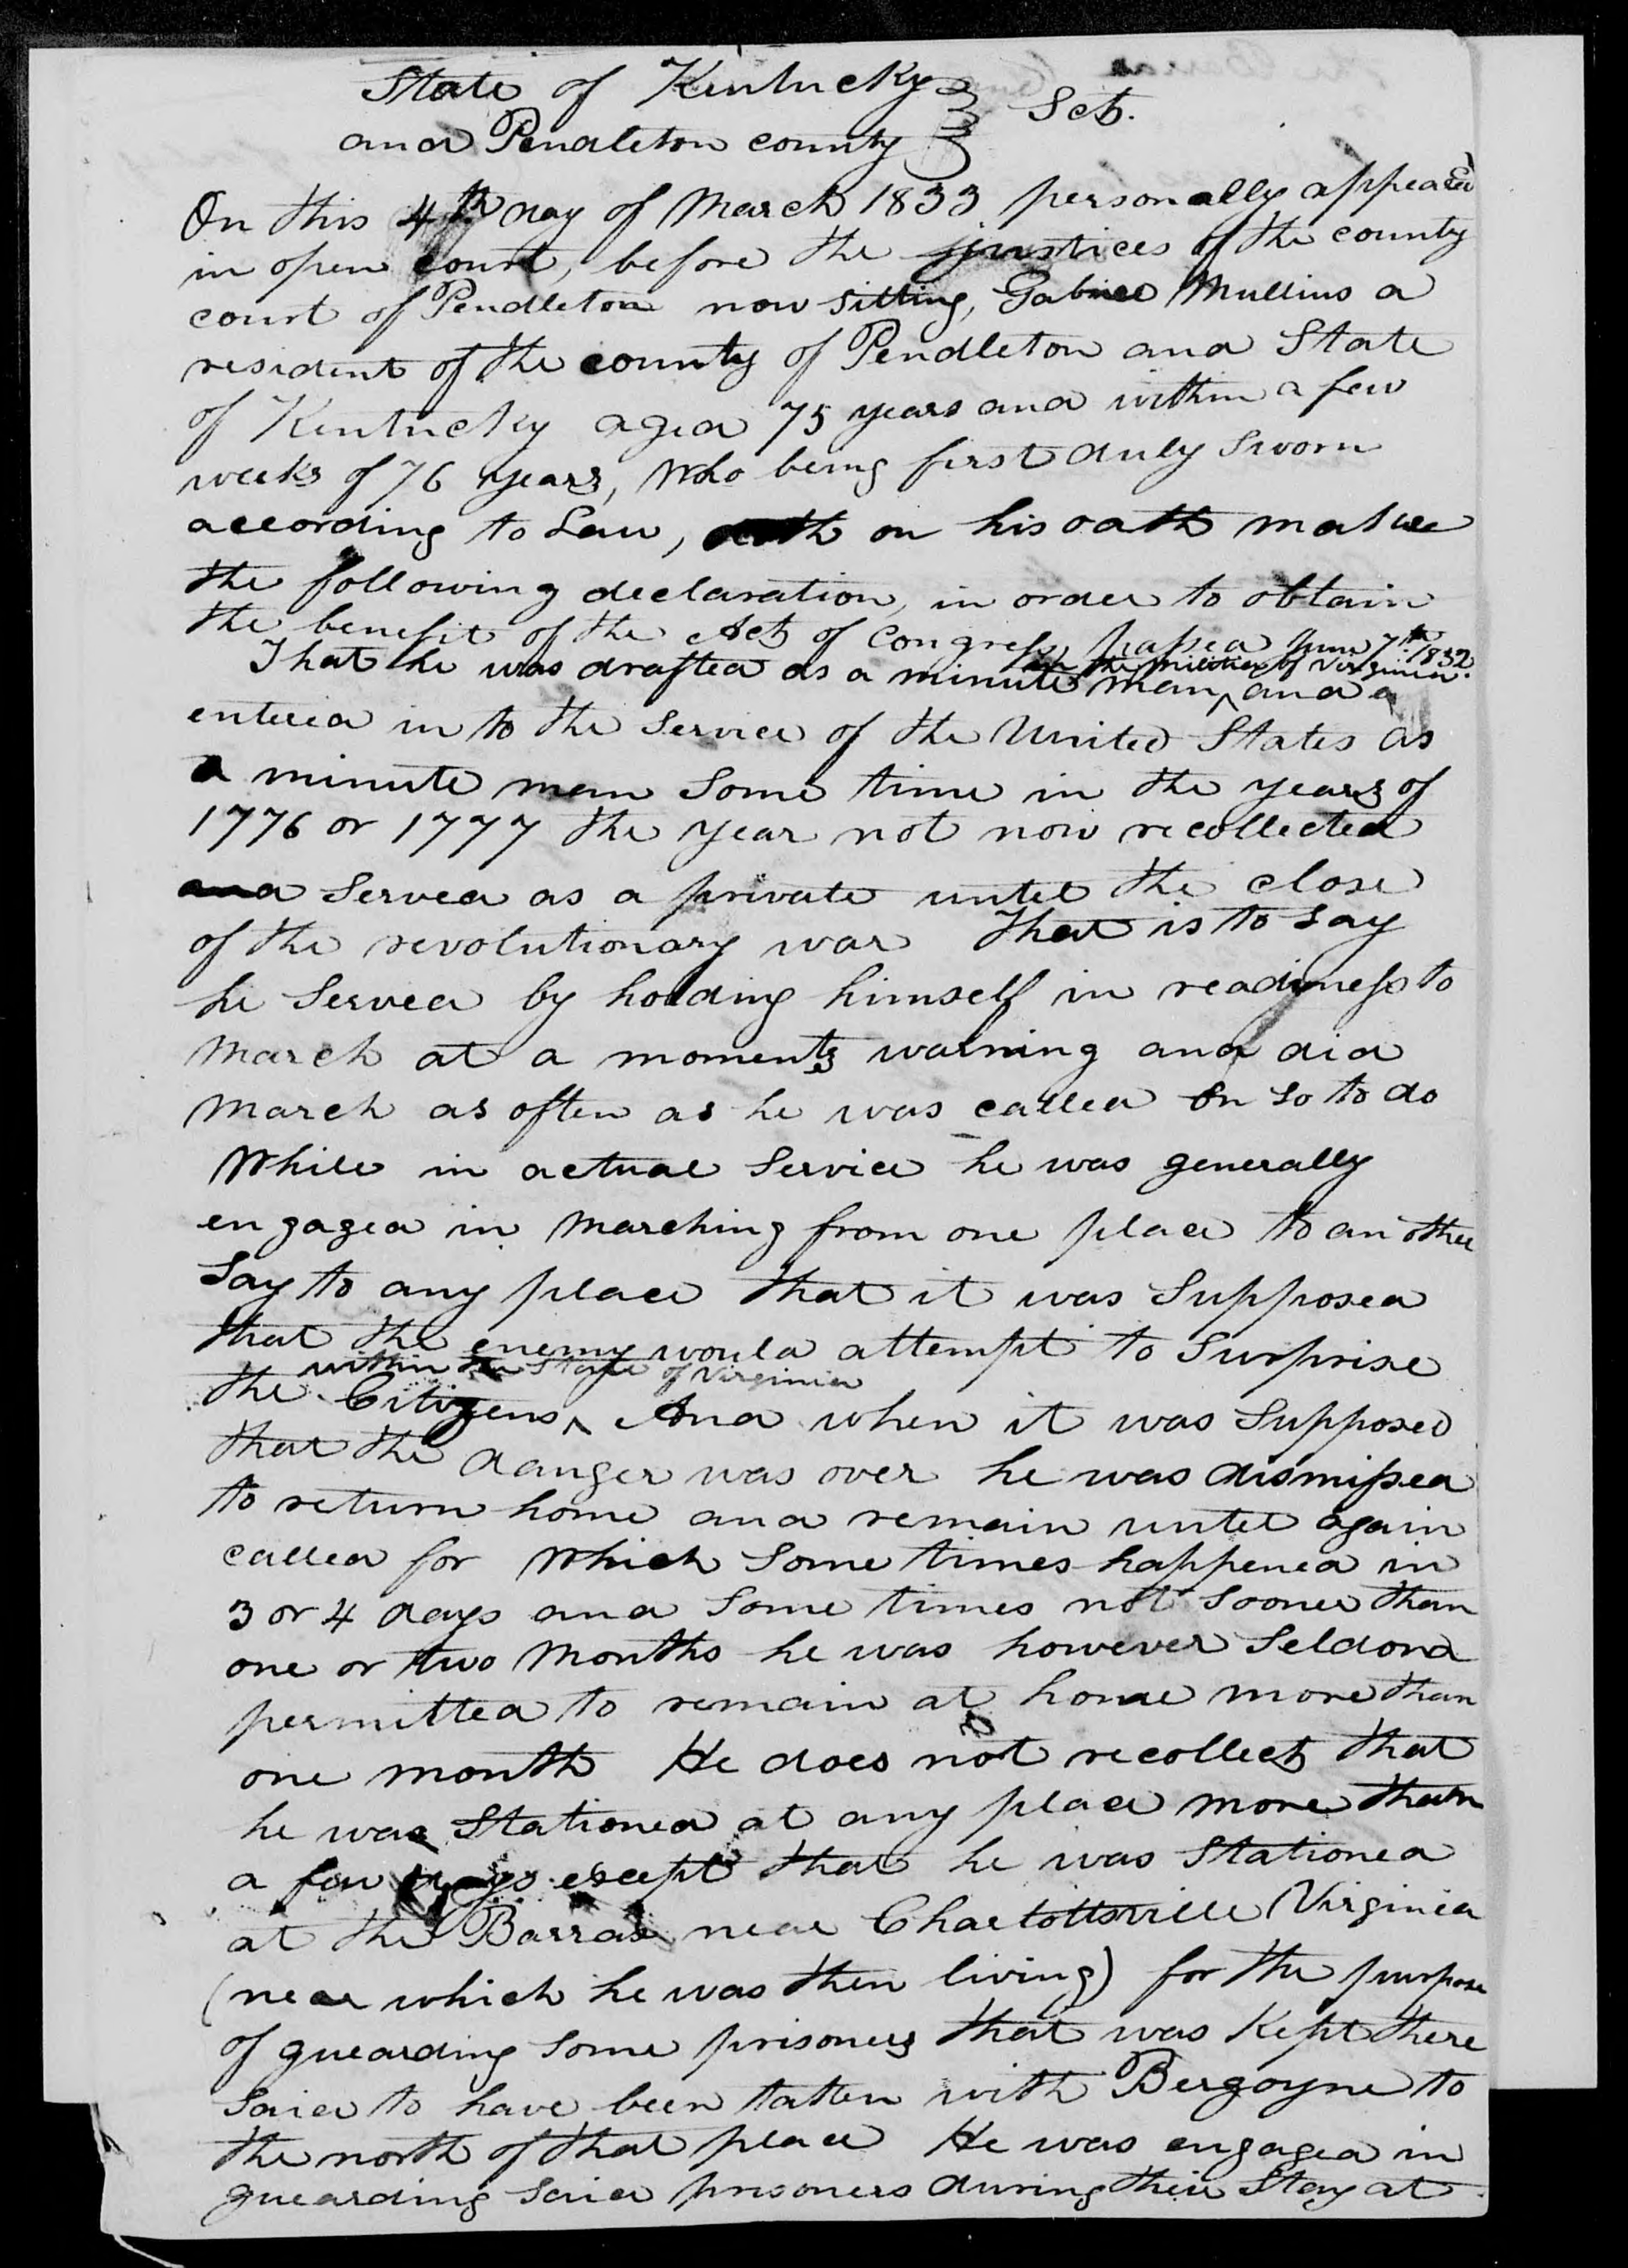State of Kentucky ⎬ Set
and Pendleton County}
On this 4th day of March 1833 personally appeared
in open Court, before the Justices of the County
Court of Pendleton now sitting, Gabriel Mullins a
resident of the County of Pendleton and State of
Kentucky aged 75 years and within a few
weeks of 76 years, who being first duly Sworn
according to Law, doth on his oath make
the following declaration, in order to obtain
the benefit of the Act of Congress passed June 7th 1832
That he was drafted as a minute man^in the militia of Virginia and 
entered in to the service of the United States as a
minute man some time in the years of
1776 or 1777 the year not now recollected
and Served as a private until the close
of the revolutionary war That is to say
he served by holding himself in readiness to
March at a moments warning and did
March as often as he was called on so to do
While in actual service he was generally
engaged in marching from one place to an other
say to any place that it was supposed
that the enemy would attempt to surprise
the Citizens^within the State of Virginia And when it was supposed
that the danger was over he was dismissed
to return home and remain until again
called for which some times happened in
3 or 4 days and some times not sooner than
one or two months he was however seldom
permitted to remain at home more than
one month He does not recollect that
he was stationed at any place more than
a few days except that he was stationed
at the Barrax[Barracks] near Charlottsville Virginia
(near which he was then living) for the purpose
of guarding some prisoners that was kept there
said to have been taken with Burgoyne to
the north of that place. He was engaged in
guarding said prisoners during their stay at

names: Gabriel Mullins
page: 3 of 34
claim: survivor's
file: S. 30608, for Gabrel Mullins, Virginia